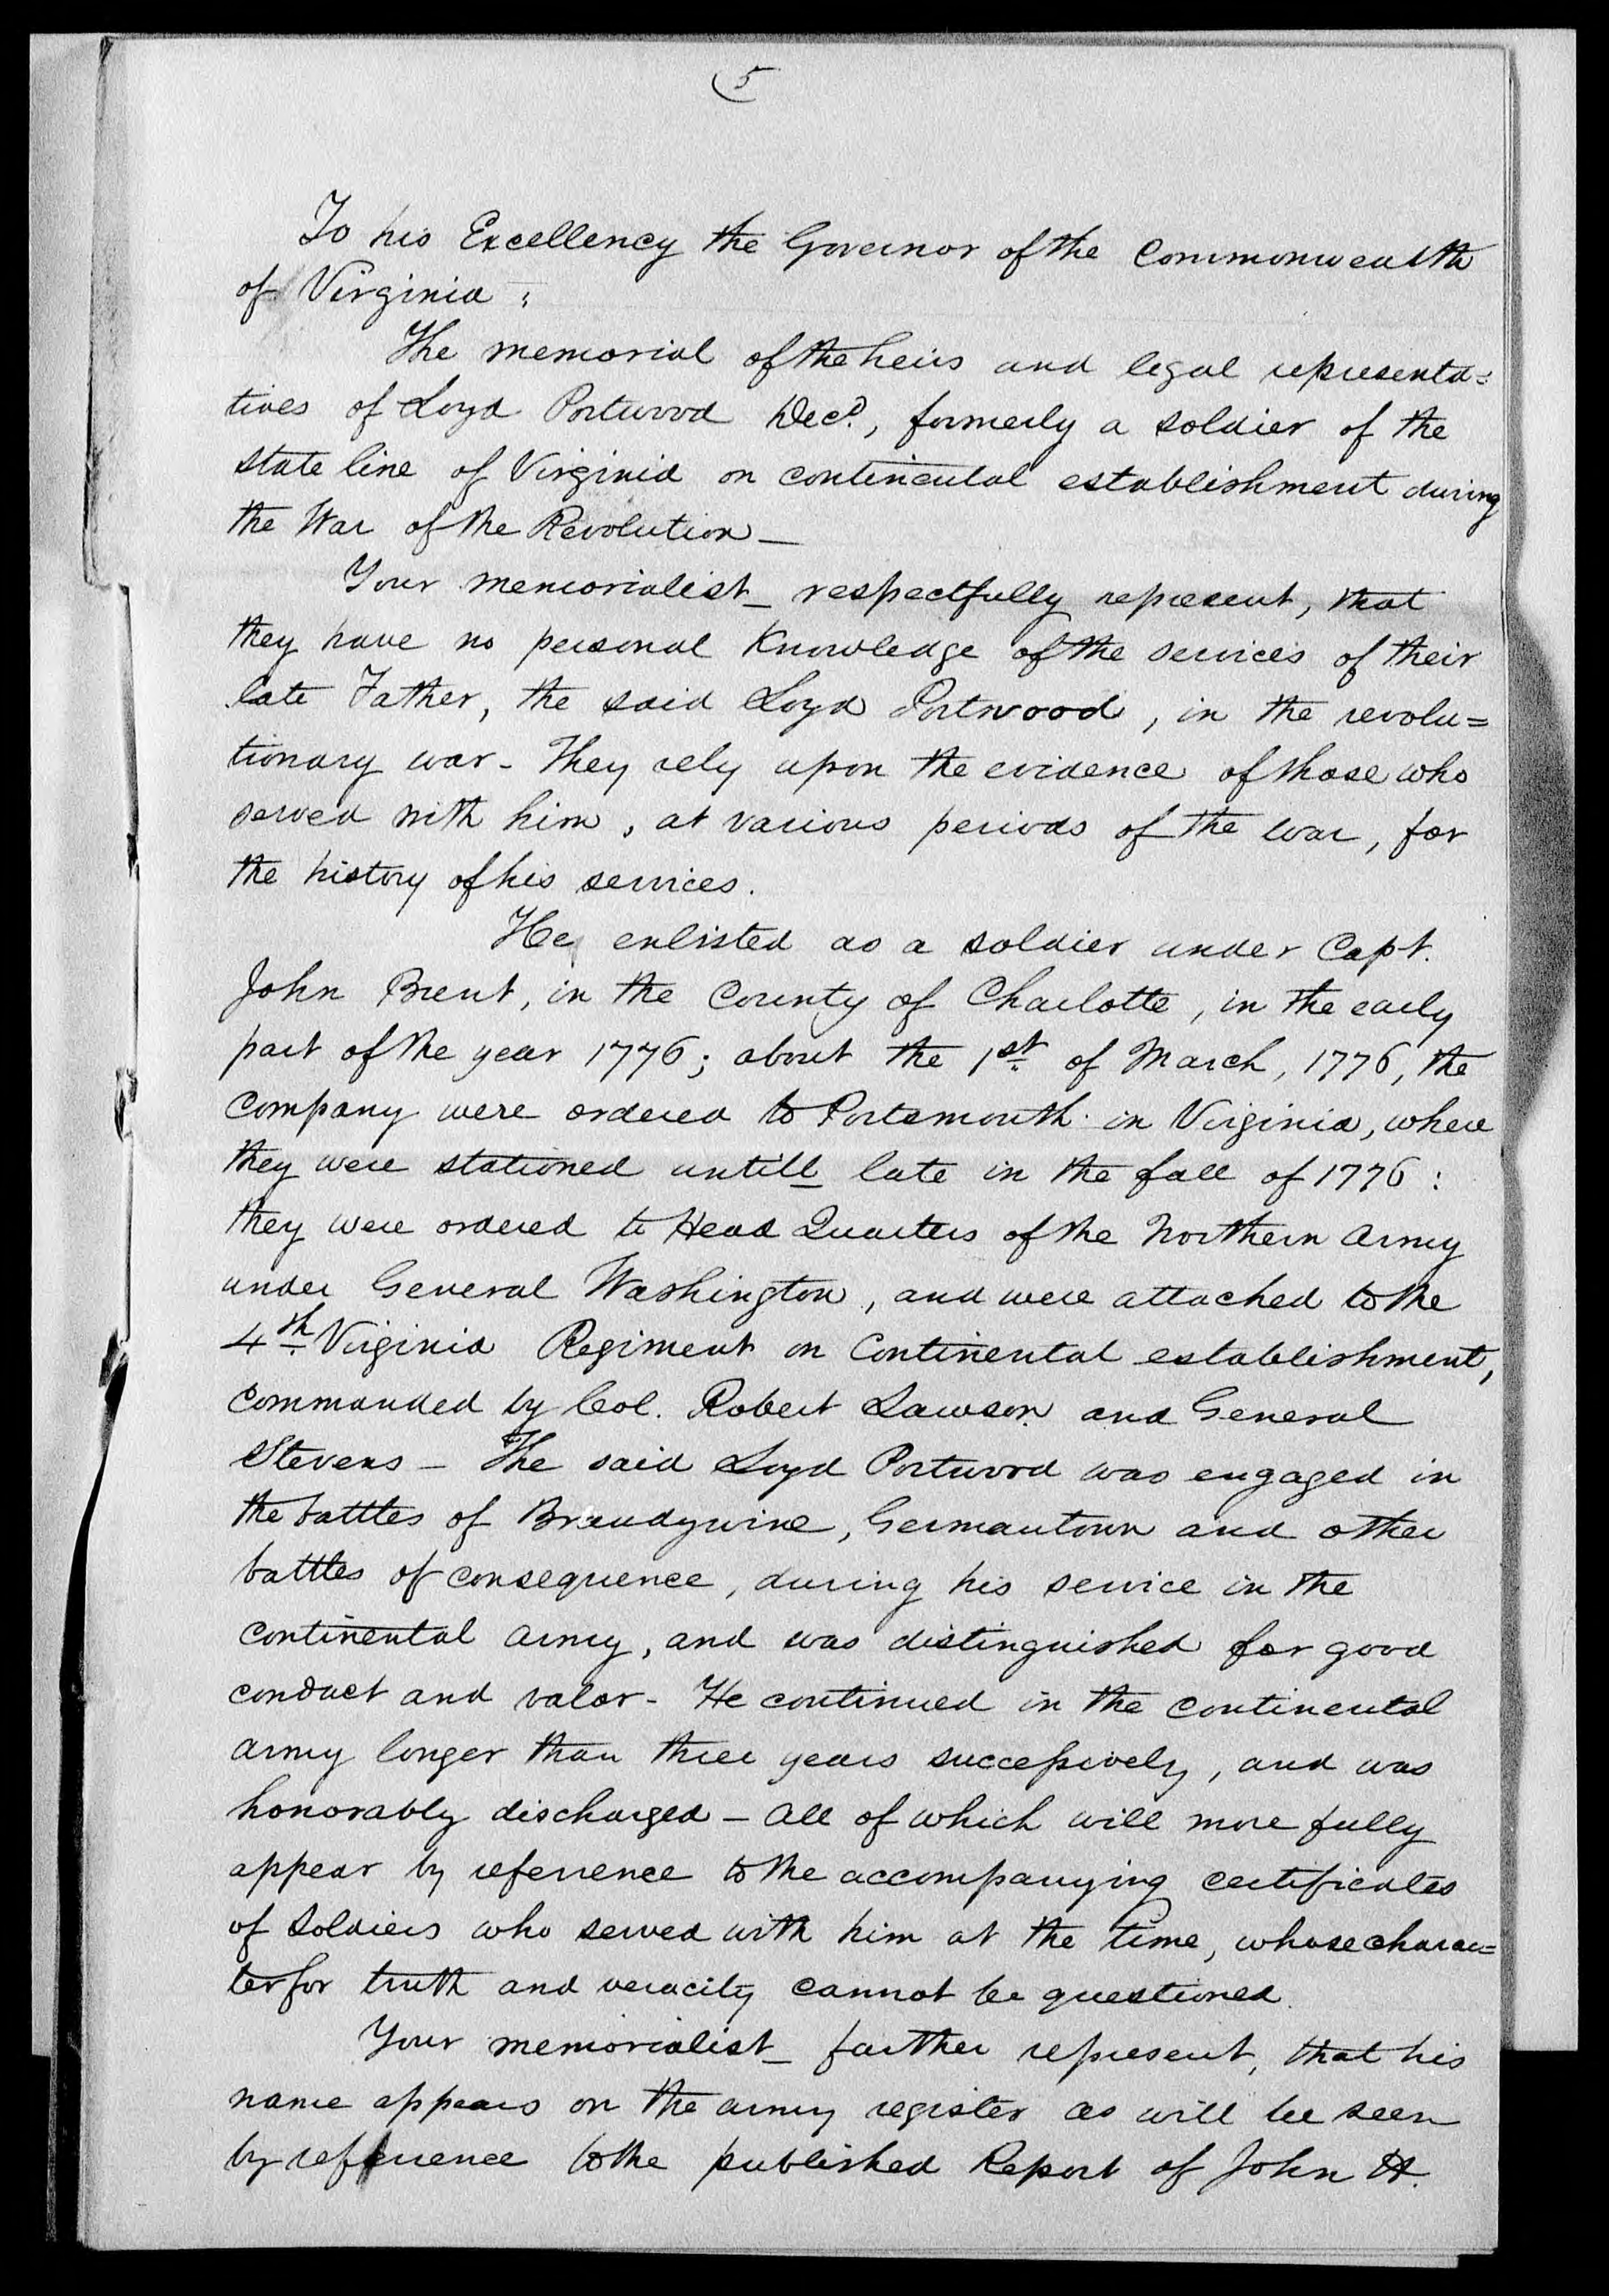5
To his Excellency the Governor of the Commonwealth
of Virginia:
The memorial of the heirs and legal representatives
of Loyd Portwood Decd., formerly a soldier of the
state line of Virginia on continental establishment during
the War of the Revolution_
Your memorialist respectfully represent, that
they have no personal knowledge of the services of their
late Father, the said Loyd Portwood, in the revolutionary
war - They rely upon the evidence of those who
served with him, at various periods of the war, for
the history of his services.
He enlisted as a soldier under Capt.
John Brent, in the County of Charlotte, in the early
part of the year 1776; about the 1st of March, 1776, the
company were ordered to Portsmouth in Virginia, where
they were stationed untill late in the fall of 1776:
they were ordered to Head Quarters of the Northern Army
under General Washington, and were attached to the
4th Virginia Regiment on Continental establishment,
commanded by Col. Robert Lawson and General
Stevens _ The said Loyd Portwood was engaged in
the battles of Brandywine, Germantown and other
battles of consequence, during his service in the
continental army, and was distinguished for good
conduct and valor. He continued in the continental
army longer than three years successively, and was
honorably discharged - all of which will more fully
appear by reference to the accompanying certificates
of Soldiers who served with him at the time, whose character
for truth and veracity cannot be questioned.
Your memorialist_ farther represent, that his
name appears on the army register as will be seen
by reference to the published Report of John H.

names: [BLANK] Washington; [BLANK] Stevens; John Brent; John [BLANK]; Loyd Portwood; Robert Lawson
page: 46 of 50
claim: widow's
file: W. 1929, for Lloyd Portwood, Virginia